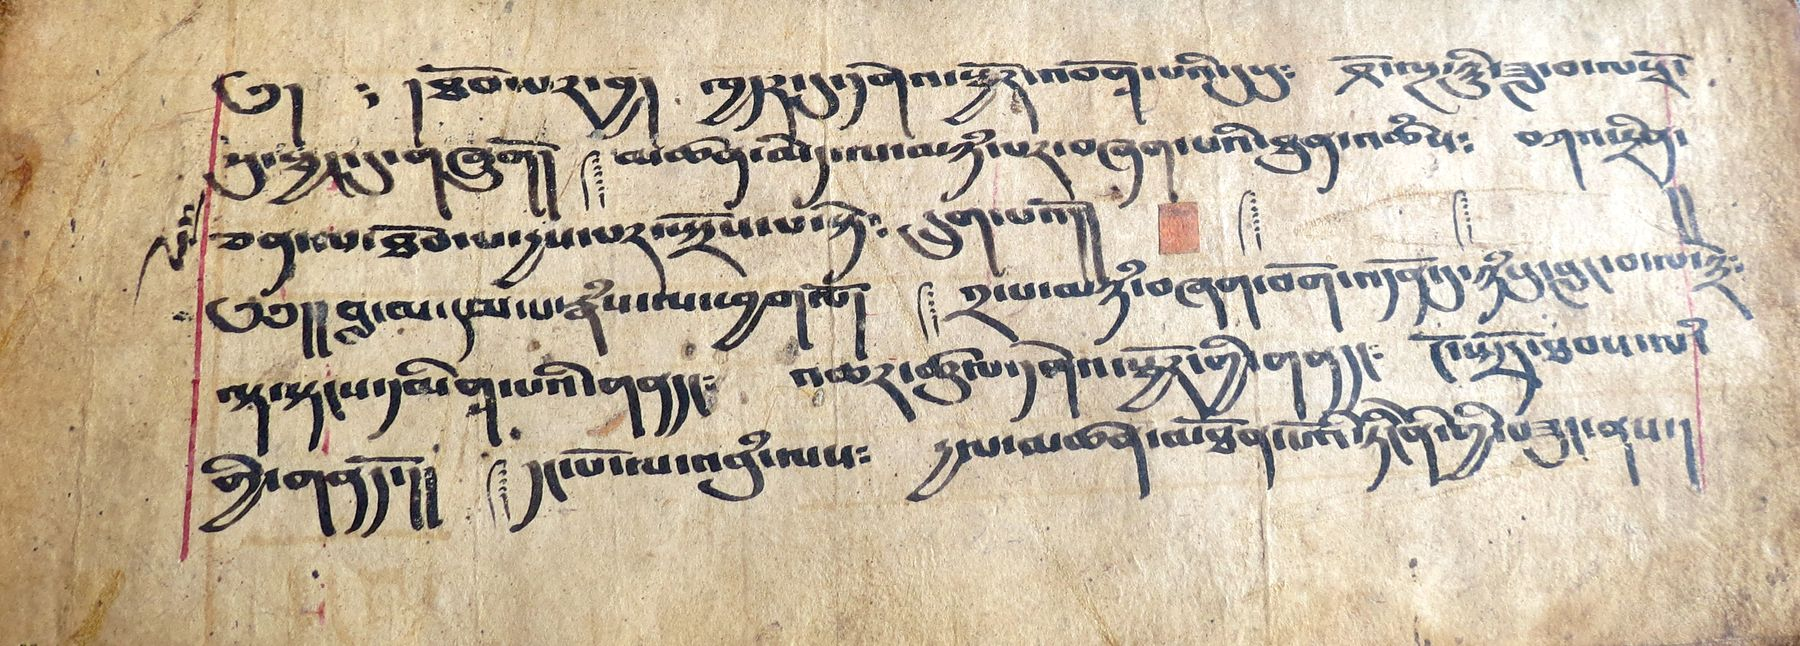ཐོབ་པར་བྱ། ཁྱད་པར་དུ་དགེ་སྦྱོར་འབོགས་པའི་དུས་སུ། བཅོ་ལྔ་ཉི་ཤུ་ཟླ་བ་ལ་སོགས་
སུ་སྦྱང་དུ་གཞུག་གོ། མཚན་མེད་ལ་མཉམ་པར་བཞག་པའི་ཐུན་མཚམས། བཀའ་དྲིན་
ཅན་ལས་ཐོབ་པ་རྒྱས་པར་སྤྲོས་པ་སྟེ་དྲུག་པའོ།
༄༅།། བླ་མ་དམ་པ་རྣམས་ལ་ཕྱག་འཚལ་ལོ། གཉིས་པ་མཉམ་བཞག་བོགས་འདོན་དུ་ཉམས་སུ་བླངས་པ་ལ་གསུམ་སྟེ། 
ལྟ་སྟངས་མིག་གི་གནད་དང་། འཆར་ཚུལ་དགེ་སྦྱོར་གྱི་གནད་དང་། ངོ་སྤྲོད་ཐབས་ལམ་
གྱི་གནད་དོ། དང་པོ་ལ་འབུམ་ལས། རྒྱལ་མཚན་མཐོན་པོའི་ཏིང་ངེ་འཛིན་གྱིས་བཟུང་ནས།